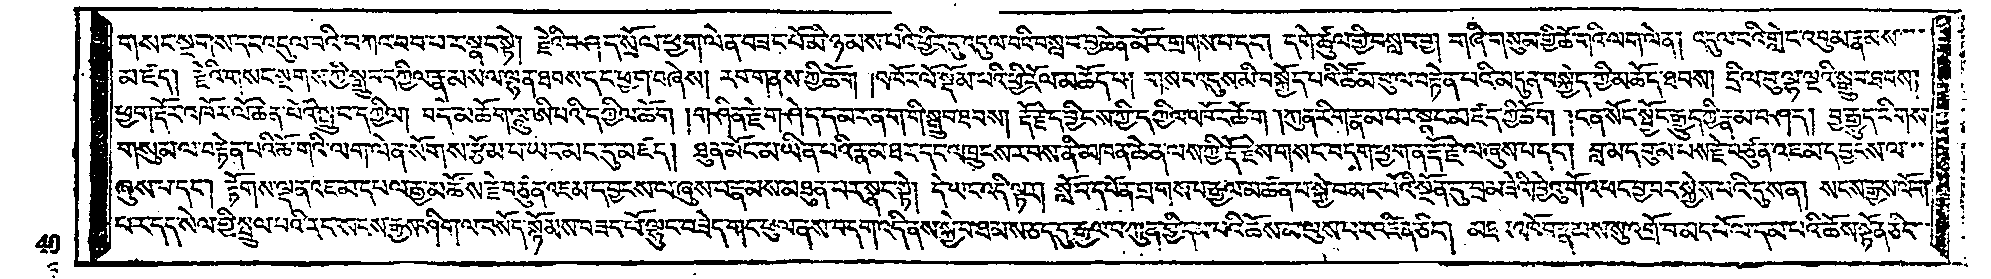གསང་སྔགས་དང་འདུལ་བའི་བཀའ་བབ་པར་སྣང་སྟེ། རྗེའི་བཤད་སྲོལ་ཕྱག་ལེན་བཟང་པོ་མི་ཉམས་པའི་ཕྱིར་དུ་འདུལ་བའི་བསླབ་བྱ་ཆེན་མོར་གྲགས་པ་དང་། དགེ་ཚུལ་གྱི་བསླབ་བྱ། གཞི་གསུམ་གྱི་ཆོ་གའི་ལག་ལེན། འདུལ་བའི་གླེང་འབུམ་རྣམས་
མཛད། རྗེའི་གསང་སྔགས་ཀྱི་སྒྲུབ་དཀྱིལ་རྣམས་ལ་ལྷན་ཐབས་དང་ཕྱག་བཞེས། རབ་གནས་ཀྱི་ཆོ་ག །འཁོར་ལོ་སྡོམ་པའི་ཕྱི་རོལ་མཆོད་པ། གསང་འདུས་མི་བསྐྱོད་པའི་ཚོམ་བུ་ལ་བརྟེན་པའི་མདུན་བསྐྱེད་ཀྱི་མཆོད་ཐབས། དྲིལ་བུ་ལྷ་ལྔའི་སྒྲུབ་ཐབས།
ཕྱག་རྡོར་འཁོར་ལོ་ཆེན་པོའི་སྒྲུབ་དཀྱིལ། བདེ་མཆོག་ལཱུ་ཨི་པའི་དཀྱིལ་ཆོག །གཤིན་རྗེ་གཤེད་དམར་ནག་གི་སྒྲུབ་ཐབས། རྡོ་རྗེ་དབྱིངས་ཀྱི་དཀྱིལ་འཁོར་ཆོ་ག །ཀུན་རིག་རྣམ་པར་སྣང་མཛད་ཀྱི་ཆོ་ག །ངན་སོང་སྦྱོང་རྒྱུད་ཀྱི་རྣམ་བཤད། བྱ་རྒྱུད་རིགས་
གསུམ་ལ་བརྟེན་པའི་ཆོ་གའི་ལག་ལེན་སོགས་རྩོམ་པ་ཡང་མང་དུ་མཛད། ཐུན་མོང་མ་ཡིན་པའི་རྣམ་ཐར་དང་འཁྲུངས་རབས་ནི་མཁན་ཆེན་ལས་ཀྱི་རྡོ་རྗེས་གསང་བདག་ཕྱག་ན་རྡོ་རྗེ་ལ་ཞུས་པ་དང་། བླ་མ་དབུ་མ་པས་རྗེ་བཙུན་འཇམ་དབྱངས་ལ་
ཞུས་པ་དང་། རྟོགས་ལྡན་འཇམ་དཔལ་རྒྱ་མཚོས་རྗེ་བཙུན་འཇམ་དབྱངས་ལ་ཞུས་པ་རྣམས་མཐུན་པར་སྣང་སྟེ། དེ་ཡང་འདི་ལྟར། སློབ་དཔོན་གྲགས་པ་རྒྱལ་མཚན་པ་སྐྱེ་བ་མང་པོའི་སྔོན་དུ་བྲམ་ཟེའི་ཁྱེའུ་གོ་འཕང་བྱ་བར་སྐྱེས་པའི་དུས་ན། སངས་རྒྱས་ལོག་
པར་དད་སེལ་གྱི་སྤྲུལ་པའི་རང་སངས་རྒྱས་ཤིག་ལ་བསོད་སྙོམས་བཟང་པོ་ལྷུང་བཟེད་གང་ཕུལ་ནས་བདག་འདི་ནས་སྐྱེ་བ་ཐམས་ཅད་དུ་རྒྱལ་བ་ཀུན་གྱི་དམ་པའི་ཆོས་མ་ལུས་པར་འཛིན་ཅིང་། མཐར་འཁོབ་རྣམས་སུ་འགྲོ་བ་མང་པོ་ལ་དམ་པའི་ཆོས་སྟོན་ཅིང་